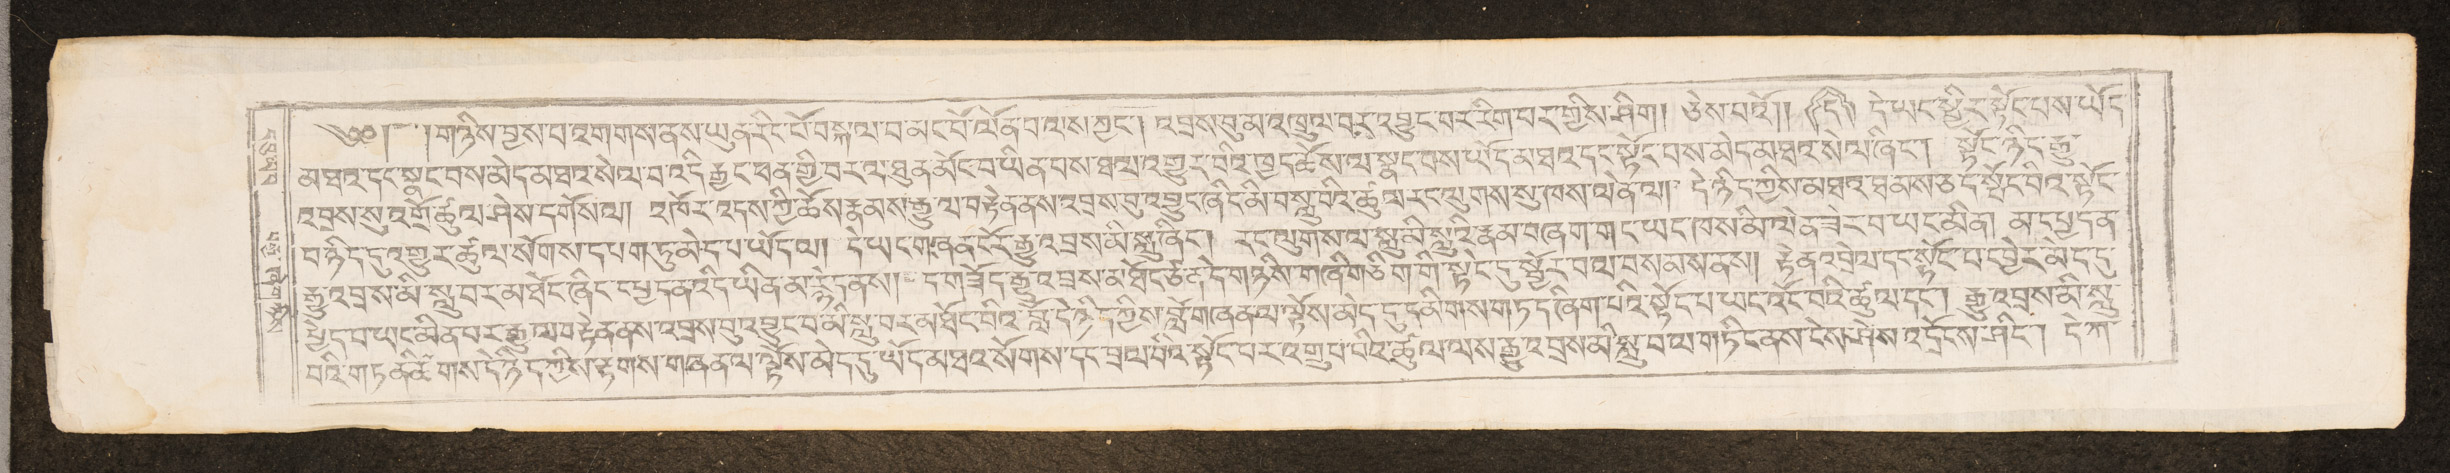༄༅། །གཉིས་བྱས་པ་འགགས་ནས་ཡུན་རིང་པོ་བསྐལ་བ་མང་པོ་ལོན་པ་ལས་ཀྱང་། འབྲས་བུ་མ་འཁྲུལ་བར་འབྱུང་བར་རིག་གྱིས་པར་གྱིས་ཤིག། ཅེས་པའོ།། ༼༽ད༼༽ དེ་ཡང་སྤྱིར་སྟོང་པས་ཡོད་
མཐའ་དང་སྣང་བས་མེད་མཐའ་སེལ་བ་འདི་རྒྱང་ཕན་གྱི་བར་ལ་ཐུན་མོང་བ་ཡིན་པས་ཐལ་འགྱུར་བའི་ཁྱད་ཆོས་ལ་སྣང་བས་ཡོད་མཐའ་དང་སྟོང་བས་མེད་མཐའ་སེལ་ཞིང་། སྟོང་ཉིད་རྒྱུ་
འབྲས་བུ་འགྲོ་ཚུལ་ཤེས་དགོས་ལ། འཁོར་འདས་ཀྱི་ཆོས་རྣམས་རྒྱུ་ལ་བརྟེན་ནས་འབྲས་བུ་འབྱུང་ཞིང་མི་བསླུ་བའི་ཚུལ་རང་ལུགས་སུ་ཁས་ལེན་ལ། དེ་ཉིད་ཀྱིས་མཐའ་ཐམས་ཅད་སྤོང་བའི་སྟོང་
བ་ཉིད་དི་འགྱུར་ཚུལ་སོགས་དཔག་ཏུ་མེད་པ་ཡོད་ལ། དེ་ཡང་གཞན་ངོར་རྒྱུ་འབྲས་མི་སླུ་ཞིང་། རང་ལུགས་ལ་སླུ་མི་སླུའི་རྣམ་བཞག་གང་ཡང་ཁས་མི་ལེན་ཟེར་བ་ཡང་མིན། མ་དཔྱད་ན་
རྒྱུ་འབྲས་མི་སླུ་བར་མཐོང་ཞིང་དཔྱད་ན་འདི་ཡིན་མ་རྙེད་ནས། དག་ཟོད་རྒྱུ་འབྲས་མཐོང་ཙ་ན་དེ་གཉིས་གཞི་གཅིག་གི་སྟོང་དུ་སྦྱོར་བ་ལ་བསམས་ནས། རྟེན་འབྲེལ་དང་སྟོང་པ་དབྱེར་མེད་དུ་
བྱེད་པ་ཡང་མིན་པར་རྒྱུ་ལ་བརྟེན་ནས་འབྲས་བུ་འབྱུང་བ་མི་སླུ་བར་མཐོང་བའི་བློ་དེ་ཉིད་ཀྱིས་བློ་གཞན་ལ་ལྟོས་མེད་དུ་དམིགས་གཏད་ཞིག་པའི་སྟོང་པ་ཡང་འོང་བའི་ཚུལ་དང་། རྒྱུ་འབྲས་མི་སླུ་
བའི་གཏན་ཚིགས་དེ་ཉིད་ཀྱིས་རྟགས་གཞན་ལ་ལྟོས་མེད་དུ་ཡོད་མཐའ་སོགས་དང་ཐལ་བའི་སྟོང་པར་འགྲུབ་པའི་ཚུལ་ལས་རྒྱུ་འབྲས་མི་སླུ་བ་ལ་གཏིང་ནས་ངེས་ཤེས་འདྲོངས་ཤིང་། དེ་ཀ་